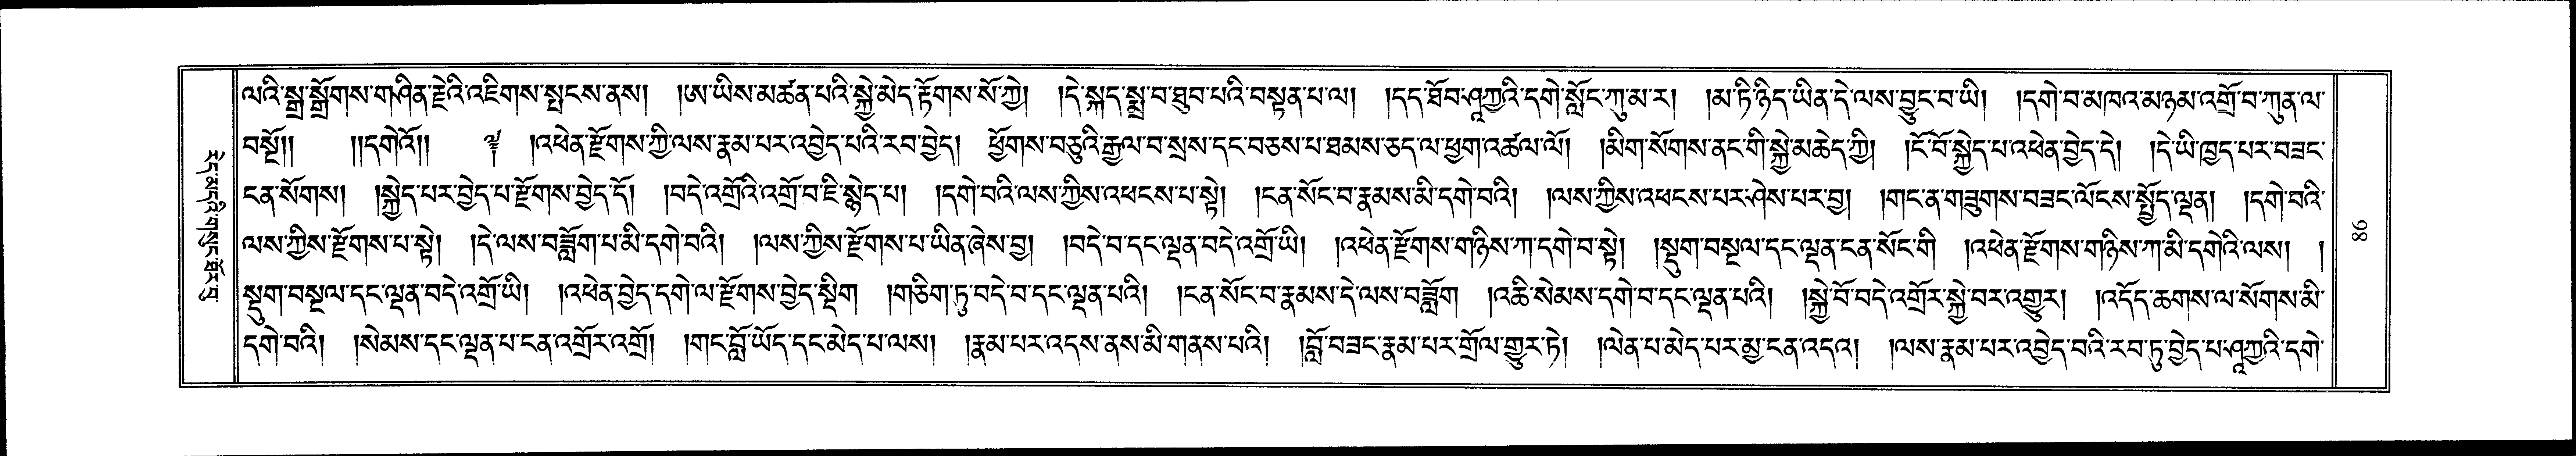ལའི་སྒྲ་སྒྲོགས་གཤིན་རྗེའི་འཇིགས་སྤངས་ནས། །ཨ་ཡིས་མཚན་པའི་སྐྱེ་མེད་རྟོགས་སོ་ཀྱེ། །དེ་སྐད་སྨྲ་བ་ཐུབ་པའི་བསྟན་པ་ལ། །དད་ཐོབ་ཤཱཀྱའི་དགེ་སློང་ཀུ་མ་ར། །མ་ཏི་ཉིད་ཡིན་དེ་ལས་བྱུང་བ་ཡི། །དགེ་བ་མཁའ་མཉམ་འགྲོ་བ་ཀུན་ལ་
བསྔོ།། །།དགེའོ།། ༈ །འཕེན་རྫོགས་ཀྱི་ལས་རྣམ་པར་འབྱེད་པའི་རབ་བྱེད། །ཕྱོགས་བཅུའི་རྒྱལ་བ་སྲས་དང་བཅས་པ་ཐམས་ཅད་ལ་ཕྱག་འཚལ་ལོ། །མིག་སོགས་ནང་གི་སྐྱེ་མཆེད་ཀྱི། །ངོ་བོ་སྐྱེད་པ་འཕེན་བྱེད་དེ། །དེ་ཡི་ཁྱད་པར་བཟང་
ངན་སོགས། །སྐྱེད་པར་བྱེད་པ་རྫོགས་བྱེད་དོ། །བདེ་འགྲོའི་འགྲོ་བ་ཇི་སྙེད་པ། །དགེ་བའི་ལས་ཀྱིས་འཕངས་པ་སྟེ། །ངན་སོང་བ་རྣམས་མི་དགེ་བའི། །ལས་ཀྱིས་འཕངས་པར་ཤེས་པར་བྱ། །གང་ན་གཟུགས་བཟང་ལོངས་སྤྱོད་ལྡན། །དགེ་བའི་
ལས་ཀྱིས་རྫོགས་པ་སྟེ། །དེ་ལས་བཟློག་པ་མི་དགེ་བའི། །ལས་ཀྱིས་རྫོགས་པ་ཡིན་ཞེས་བྱ། །བདེ་བ་དང་ལྡན་བདེ་འགྲོ་ཡི། །འཕེན་རྫོགས་གཉིས་ཀ་དགེ་བ་སྟེ། །སྡུག་བསྔལ་དང་ལྡན་ངན་སོང་གི །འཕེན་རྫོགས་གཉིས་ཀ་མི་དགེའི་ལས། །
སྡུག་བསྔལ་དང་ལྡན་བདེ་འགྲོ་ཡི། །འཕེན་བྱེད་དགེ་ལ་རྫོགས་བྱེད་སྡིག །གཅིག་ཏུ་བདེ་བ་དང་ལྡན་པའི། །ངན་སོང་བ་རྣམས་དེ་ལས་བཟློག །འཆི་སེམས་དགེ་བ་དང་ལྡན་པའི། །སྐྱེ་བོ་བདེ་འགྲོར་སྐྱེ་བར་འགྱུར། །འདོད་ཆགས་ལ་སོགས་མི་
དགེ་བའི། །སེམས་དང་ལྡན་པ་ངན་འགྲོར་འགྲོ། །གང་བློ་ཡོད་དང་མེད་པ་ལས། །རྣམ་པར་འདས་ནས་མི་གནས་པའི། །བློ་བཟང་རྣམ་པར་གྲོལ་གྱུར་ཏེ། །ལེན་པ་མེད་པར་མྱ་ངན་འདའ། །ལས་རྣམ་པར་འབྱེད་པའི་རབ་ཏུ་བྱེད་པ་ཤཱཀྱའི་དགེ་